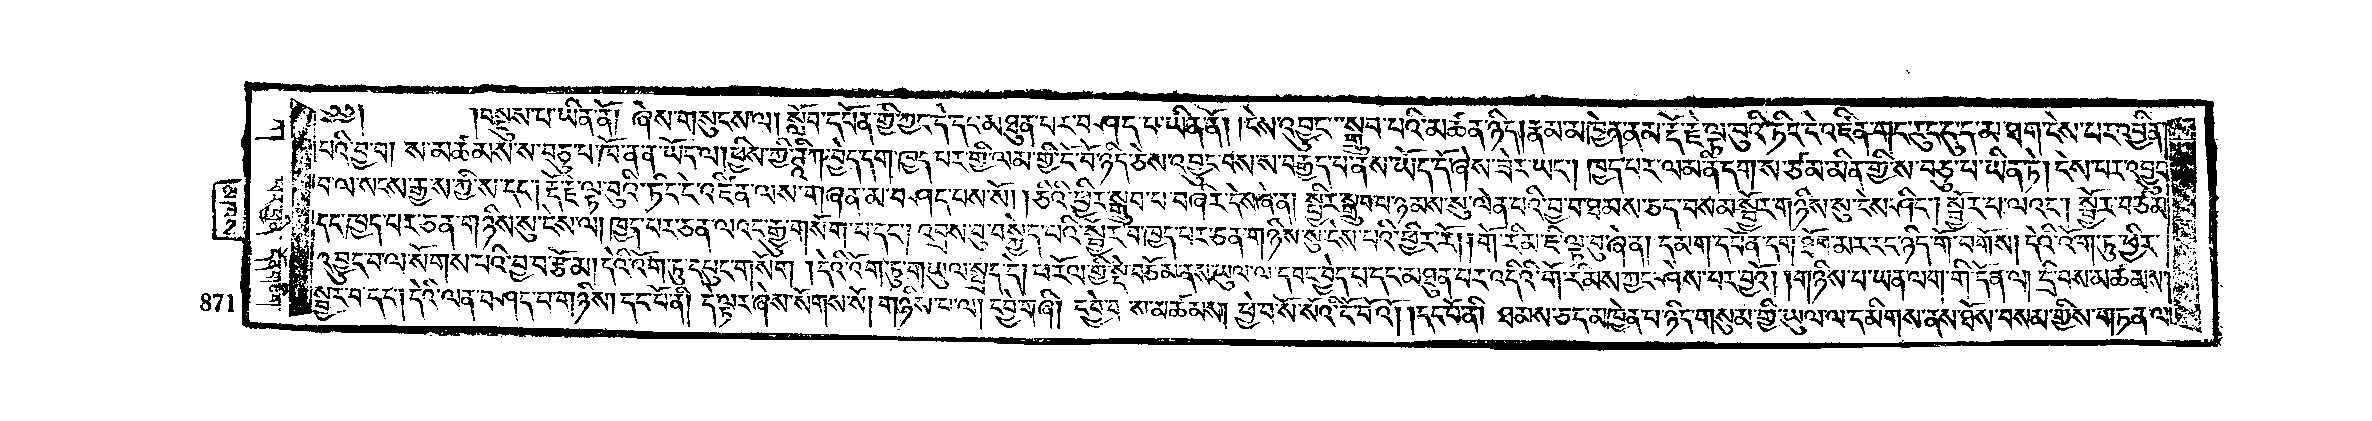{ཕར་ཕྱིན}་༄༅། །བསྡུས་པ་ཡིན་ནོ། ཞེས་གསུངས་ལ། སློབ་དཔོན་གྱི་ཀྱང་དེ་དང་མཐུན་པར་བཤད་པ་ཡིན་ནོ། །ངེས་འབྱུང་སྒྲུབ་པའི་མཚན་ཉིད། རྣམ་མཁྱེན་ནམ་རྡོ་རྗེ་ལྟ་བུའི་ཏིང་ངེ་འཛིན་གང་རུང་དུ་དེ་མ་ཐག་ངེས་པར་འབྱིན་
པའི་བྱ་བ། ས་མཚམས་ས་བཅུ་པ་ཁོ་ན་ན་ཡོད་ལ། ཕྱིས་ཀྱི་ཊཱིཀ་བྱེད་དག་ཁྱད་པར་གྱི་ལམ་གྱི་ངོ་བོ་ཉིད་ཅེས་འབྱུང་བས་ས་བརྒྱད་པ་ནས་ཡོད་དོ་ཞེས་ཟེར་ཡང་། ཁྱད་པར་ལམ་ནི་དག་ས་ཙམ་མིན་གྱི་ས་བཅུ་པ་ཡིན་ཏེ། ངེས་པར་འབྱུང་
བ་ལ་སངས་རྒྱས་ཀྱི་ས་དང་། རྡོ་རྗེ་ལྟ་བུའི་ཏིང་ངེ་འཛིན་ལས་གཞན་མ་བཤད་པས་སོ། །ཅིའི་ཕྱིར་སྒྲུབ་པ་བཞིར་དེས་ཞེ་ན། སྤྱིར་སྒྲུབ་པ་ཉམས་སུ་ལེན་པའི་བྱ་བ་ཐམས་ཅད་བསམ་སྦྱོར་གཉིས་སུ་ངེས་ཤིང་། སྦྱོར་པ་ལའང་། སྦྱོར་བ་ཙམ་
དང་ཁྱད་པར་ཅན་གཉིས་སུ་ངེས་ལ། ཁྱད་པར་ཅན་ལའང་རྒྱུ་གསོག་པ་དང་། འབྲས་བུ་བསྐྱེད་པའི་སྦྱོར་བ་ཁྱད་པར་ཅན་གཉིས་སུ་ངེས་པའི་ཕྱིར་རོ། །གོ་རིམ་ཇི་ལྟ་བུ་ཞེ་ན། དམག་དཔོན་དག་ཐོག་མར་རང་ཉིད་གོ་བགོས། དེའི་འོག་ཏུ་ཕྱིར་
འབྱུང་བ་ལ་སོགས་པའི་བྱ་བ་རྩོམ། དེའི་འོག་ཏུ་དཔུང་གསོག །དེའི་འོག་ཏུ་གཡུལ་སྤྲད་དེ། ཕ་རོལ་གྱི་སྡེ་བཅོམ་ནས་ཡུལ་ལ་དབང་བྱེད་པ་དང་མཐུན་པར་འདིའི་གོ་རིམས་ཀྱང་ཤེས་པར་བྱའོ། །གཉིས་པ་ཡན་ལག་གི་དོན་ལ། དྲི་བས་མཚམས་
སྦྱར་བ་དང་། དེའི་ལན་བཤད་པ་གཉིས། དང་པོ་ནི། དེ་ལྟར་ཞེས་སོགས་སོ། གཉིས་པ་ལ། དབྱེ་གཞི། དབྱེ་བ། ས་མཚམས། ཕྱེ་བ་སོ་སོའི་ངོ་བོའོ། །དང་པོ་ནི། ཐམས་ཅད་མཁྱེན་པ་ཉིད་གསུམ་གྱི་ཡུལ་ལ་དམིགས་ནས་ཐོས་བསམ་གྱིས་གཏན་ལ་